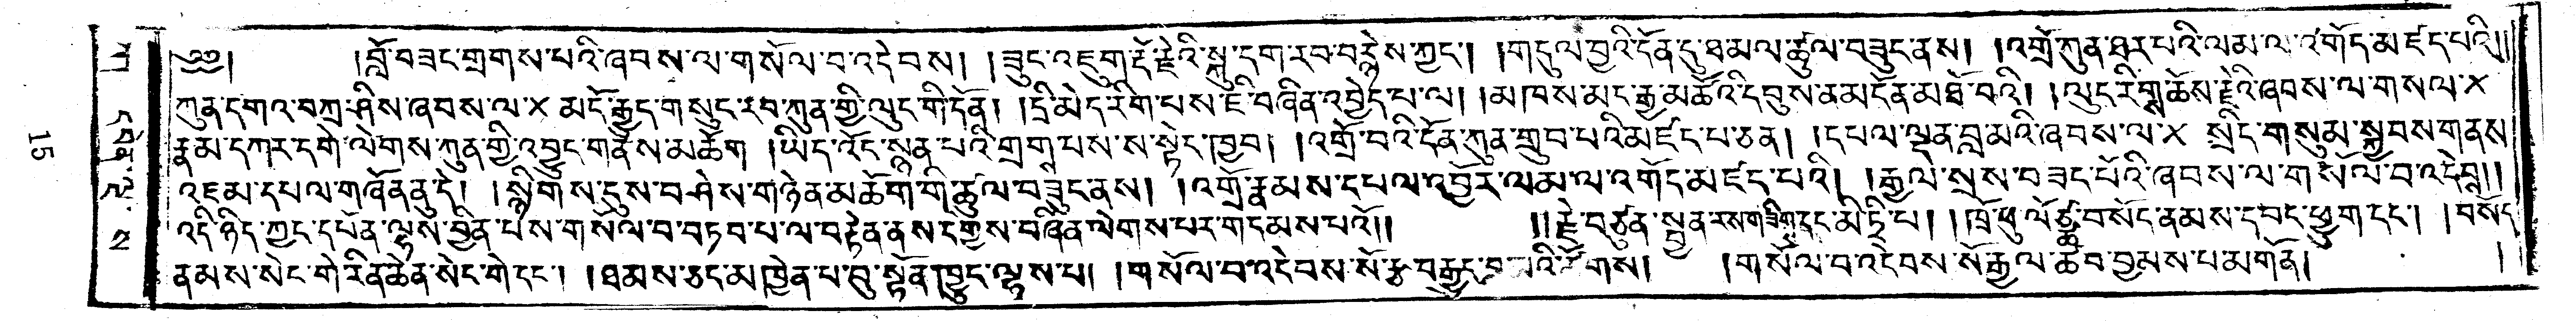༄༅། །བློ་བཟང་གྲགས་པའི་ཞབས་ལ་གསོལ་བ་འདེབས། །ཟུང་འཇུག་རྡོ་རྗེའི་སྐུ་དག་རབ་བརྙེས་ཀྱང་། །གདུལ་བྱའི་དོན་དུ་ཐ་མ་ལ་ཚུལ་བཟུང་ནས། །འགྲོ་ཀུན་ཐར་པའི་ལམ་ལ་འགོད་མཛད་པའི། །
ཀུན་དགའ་བཀྲ་ཤིས་ཞབས་ལ་྾་མདོ་རྒྱུད་གསུང་རབ་ཀུན་གྱི་ལུང་གི་དོན། །དྲི་མེད་རིག་པས་ཇི་བཞིན་འབྱེད་པ་ལ། །མཁས་མང་རྒྱ་མཚོའི་དབུས་ན་མངོན་མཐོ་བའི། །ལུང་རིགས་ཆོས་རྗེའི་ཞབས་ལ་གསལ་྾་
རྣམ་དཀར་དགེ་ལེགས་ཀུན་གྱི་འབྱུང་གནས་མཆོག །ཡིད་འོང་སྙན་པའི་གྲགས་པས་ས་སྟེང་ཁྱབ། །འགྲོ་བའི་དོན་ཀུན་གྲུབ་པའི་མཛད་པ་ཅན། །དཔལ་ལྡན་བླ་མའི་ཞབས་ལ་྾་སྲིད་གསུམ་སྐྱབས་གནས་
འཇམ་དཔལ་གཞོན་ནུ་དེ། །སྙིགས་དུས་བཤེས་གཉེན་མཆོག་གི་ཚུལ་བཟུང་ནས། །འགྲོ་རྣམས་དཔལ་འབྱོར་ལམ་ལ་འགོད་མཛད་པའི། །རྒྱལ་སྲས་བཟང་པོའི་ཞབས་ལ་གསོལ་བ་འདེབས།།
འདི་ཉིད་ཀྱང་དཔོན་ལྷས་བྱིན་པས་གསོལ་བ་བཏབ་པ་ལ་བརྟེན་ནས་དགྱེས་བཞིན་ལེགས་པར་གདམས་པའོ།། །།རྗེ་བཙུན་སྤྱན་རས་གཟིགས་དང་མི་ཏྲི་པ། །ཁྲོ་ཕུ་ལོ་ཙྪ་བསོད་ནམས་དབང་ཕྱུག་དང་། །བསོད་
ནམས་སེང་གེ་རིན་ཆེན་སེང་གེ་དང་། །ཐམས་ཅད་མཁྱེན་པ་བུ་སྟོན་ཁྱུང་ལྷས་པ། །གསོལ་བ་འདེབས་སོ་རྩ་བརྒྱུད་བླ་མའི་ཚོགས། །གསོལ་བ་འདེབས་སོ་རྒྱལ་ཚབ་བྱམས་པ་མགོན། །